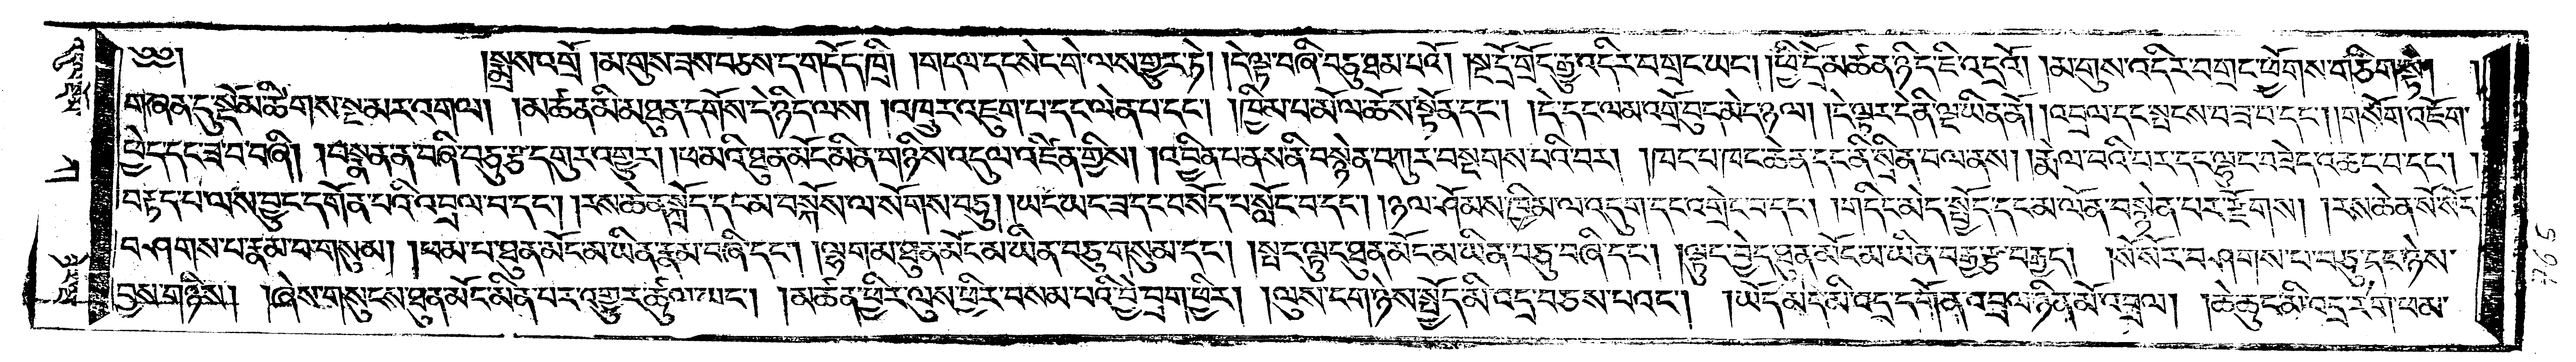༄༅། །སྨྲས་འགྲོ་།མ་གུས་ཟས་བཅས་ད་གདོད་ཁྲི། །གདལ་དང་སེང་གེ་ལས་གྱུར་ཏེ། །དེ་ལྟ་བཞི་བཅུ་ཐམ་པའོ། །སྔ་དྲོ་གྲོང་རྒྱུ་འདིར་བགྲང་ཡང་། །ཕྱི་དྲོ་མཚན་ཉིད་ཇི་འདྲའོ། །མགུས་འདིར་བགྲང་ཕྱོགས་གཅིག་སྟེ། །
གཞན་དུ་སྡོམ་ཚིགས་སྔ་མར་འགལ། །མཚན་མི་མཐུན་དགོས་དེ་ཉིད་ལས། །འཁྲུར་འཇུག་པ་དང་ལེན་པ་དང་། །ཁྱིམ་པ་མོ་ལ་ཆོས་སྟོན་དང་། །དེ་དང་ལམ་འགྲོ་བུད་མེད་ཉལ། །དེ་ལྟར་དེ་ནི་ལྔ་ཡིན་ནོ། །འབྲལ་དང་སྤངས་བ་ཟ་བ་དང་། །གསོག་འཇོག་
ཕྱེད་དང་ཟ་བ་བཞི། །བསྣན་ན་བཞི་བཅུ་རྩ་དགུར་འགྱུར། །ཕ་མའི་ཐུན་མོང་མིན་གཉིས་འདུལ་འཛིན་གྱིས། །འབྱིན་པ་ནས་ནི་བསྙེན་བཀུར་བསྡགས་པའི་བར། །ཁང་པ་ཁང་ཆེན་དང་ནི་སྲིན་བལ་ནས། །རྨེལ་བའི་པར་དང་ལྷུང་བཟེད་འཆང་བ་དང་། །
བརྟད་པ་ལས་བྱུང་དགོན་པའི་འབྲལ་བ་དང་། །རས་ཆེན་སྐྲོད་དང་མ་བསྐོས་ལ་སོགས་བཅུ། །ཡང་ཡང་ཟ་དང་བསོད་པ་སློང་བ་དང་། །ཉལ་ཤོམས་ཁྱིམ་ལ་འདུག་དང་འགྲེང་བ་དང་། །གདིང་མེད་སྤྱོད་དང་མ་ལོན་བསྙེན་པར་རྫོགས། །རས་ཆེན་སོ་སོར་
བཤགས་པ་རྣམ་པ་གསུམ། །ཕམ་པ་ཐུན་མོང་མ་ཡིན་རྣམ་བཞི་དང་། །ལྷག་མ་ཐུན་མོང་མ་ཡིན་བཅུ་གསུམ་དང་། །སྤང་ལྟུང་ཐུན་མོང་མ་ཡིན་བཅུ་བཞི་དང་། །ལྟུང་བྱེད་ཐུན་མོང་མ་ཡིན་བརྒྱ་རྩ་བརྒྱད། །སོ་སོར་བཤགས་པ་བཅུ་དང་ཉེས་
བྱས་གཉིས། །ཞེས་གསུངས་ཐུན་མོང་མིན་པར་འགྱུར་ཚུལ་ཡང་། །མཚན་ཕྱིར་ལུས་ཕྱིར་བསམ་པའི་བྱེ་བྲག་ཕྱིར། །ལུས་ངག་ཉེས་སྤྱོད་མི་འདྲ་བཅས་པའང་། །ཡོད་མེད་མི་འདྲ་དགོན་འབྲལ་ཉིན་མོ་འབྲལ། །ཆེ་ཆུང་མི་འདྲ་རེག་ཕམ་